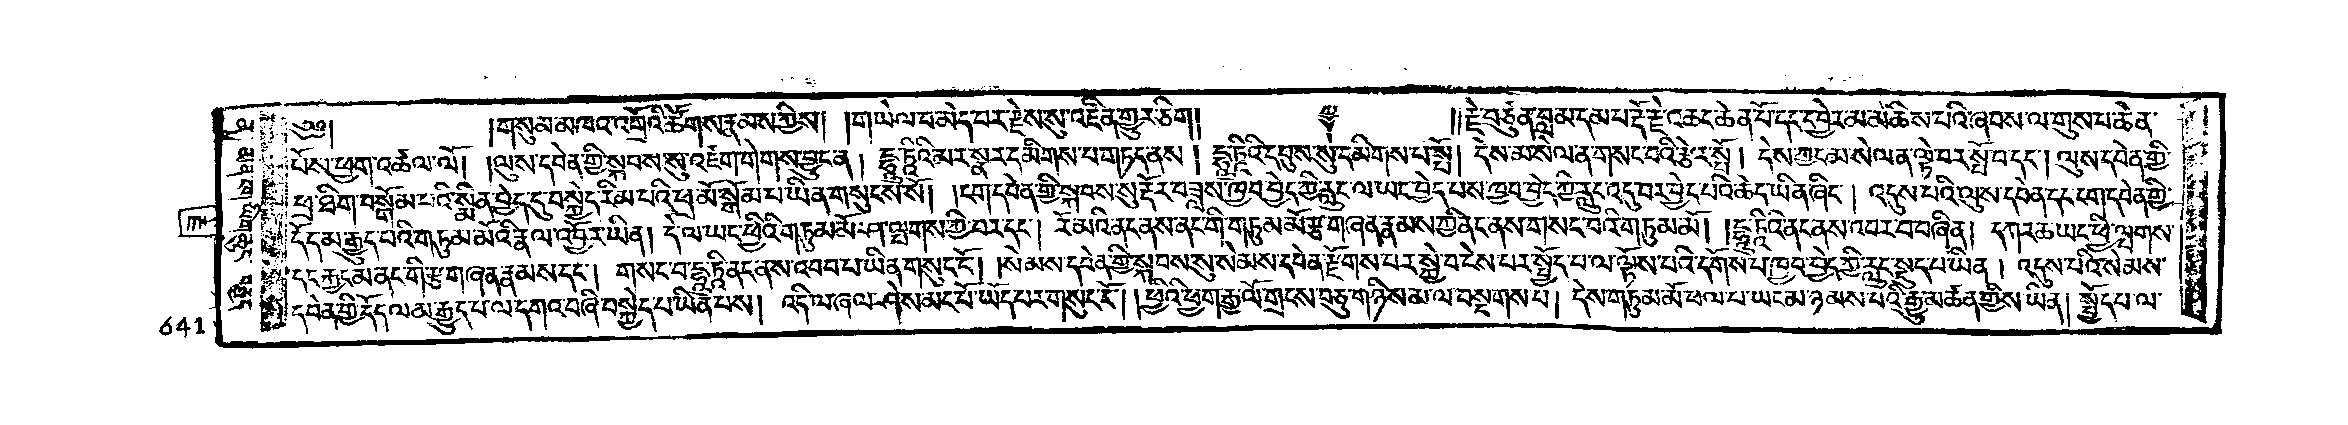༄༅། །གསུམ་མཁའ་འགྲོའི་ཚོགས་རྣམས་ཀྱིས། །གཡེལ་བ་མེད་པར་རྗེས་སུ་འཛིན་གྱུར་ཅིག ། ༈ །།རྗེ་བཙུན་བླ་མ་དམ་པ་རྡོ་རྗེ་འཆང་ཆེན་པོ་དང་དབྱེར་མ་མཆིས་པའི་ཞབས་ལ་གུས་པ་ཆེན་
པོས་ཕྱག་འཚལ་ལོ། །ལུས་དབེན་གྱི་སྐབས་སུ་འཛག་གེགས་བྱུང་ན། དྷཱུ་ཏཱིའི་མར་སྣར་དམིགས་པ་གཏད་ནས། དྷཱུ་ཏཱིའི་དབུས་སུ་དམིགས་པ་སྤོ། དེས་མ་སེལ་ན་གསང་བའི་རྩེར་སྤོ། དེས་ཀྱང་མ་སེལ་ན་ལྟེ་བར་སྤོ་བ་དང་། ལུས་དབེན་གྱི་
ཕྲ་ཐིག་བསྒོམ་པའི་སྨིན་བྱེད་དུ་བསྐྱེད་རིམ་པའི་ཕྲ་མོ་སྒོམ་པ་ཡིན་གསུངས་སོ། །ངག་དབེན་གྱི་སྐབས་སུ་རྡོར་བཟླས་ཁྱབ་བྱེད་ཀྱི་རླུང་ལ་ཡང་བྱེད་པས་ཁྱབ་བྱེད་ཀྱི་རླུང་འདུ་བར་བྱེད་པའི་ཆེད་ཡིན་ཞིང་། འདུས་པའི་ལུས་དབེན་དང་ངག་དབེན་གྱི་
དོད་མ་རྒྱུད་པའི་གཏུམ་མོའི་རྣལ་འབྱོར་ཡིན། དེ་ལ་ཡང་ཕྱིའི་གཏུམ་མོ་ཤ་ལྤགས་ཀྱི་བར་དང་། རོ་མའི་ནང་ནས་ནང་གི་གཏུམ་མོ་རྩ་གཞན་རྣམས་ཀྱི་ནང་ནས་གསང་བའི་གཏུམ་མོ། །དྷཱུ་ཏཱིའི་ནང་ནས་འབར་བ་བཞིན། དཀར་ཆ་ཡང་ཕྱི་ལྤགས་
དང་རྐྱང་མ་ནང་གི་རྩ་གཞན་རྣམས་དང་། གསང་བ་དྷཱུ་ཏཱི་ནང་ནས་འབབ་པ་ཡིན་གསུང་ངོ། །སེམས་དབེན་གྱི་སྐབས་སུ་སེམས་དབེན་རྫོགས་པར་སྐྱེ་བ་ངེས་པར་སྤྱོད་པ་ལ་ལྟོས་པའི་དགོས་པ་ཁྱབ་བྱེད་ཀྱི་རླུང་སྡུད་པ་ཡིན། འདུས་པའི་སེམས་
དབེན་གྱི་དོད་ལམ་རྒྱུད་པ་ལ་དགའ་བཞི་བསྐྱེད་པ་ཡིན་པས། འདི་ལ་ཞལ་ཤེས་མང་པོ་ཡོད་པར་གསུང་ངོ། །ཕྱིའི་ཕྱག་རྒྱ་ལོ་གྲངས་བཅུ་གཉིས་མ་ལ་བསྔགས་པ། དེས་གཏུམ་མོ་ཕལ་པ་ཡང་མ་ཉམས་པའི་རྒྱུ་མཚན་གྱིས་ཡིན། སྤྱོད་པ་ལ་